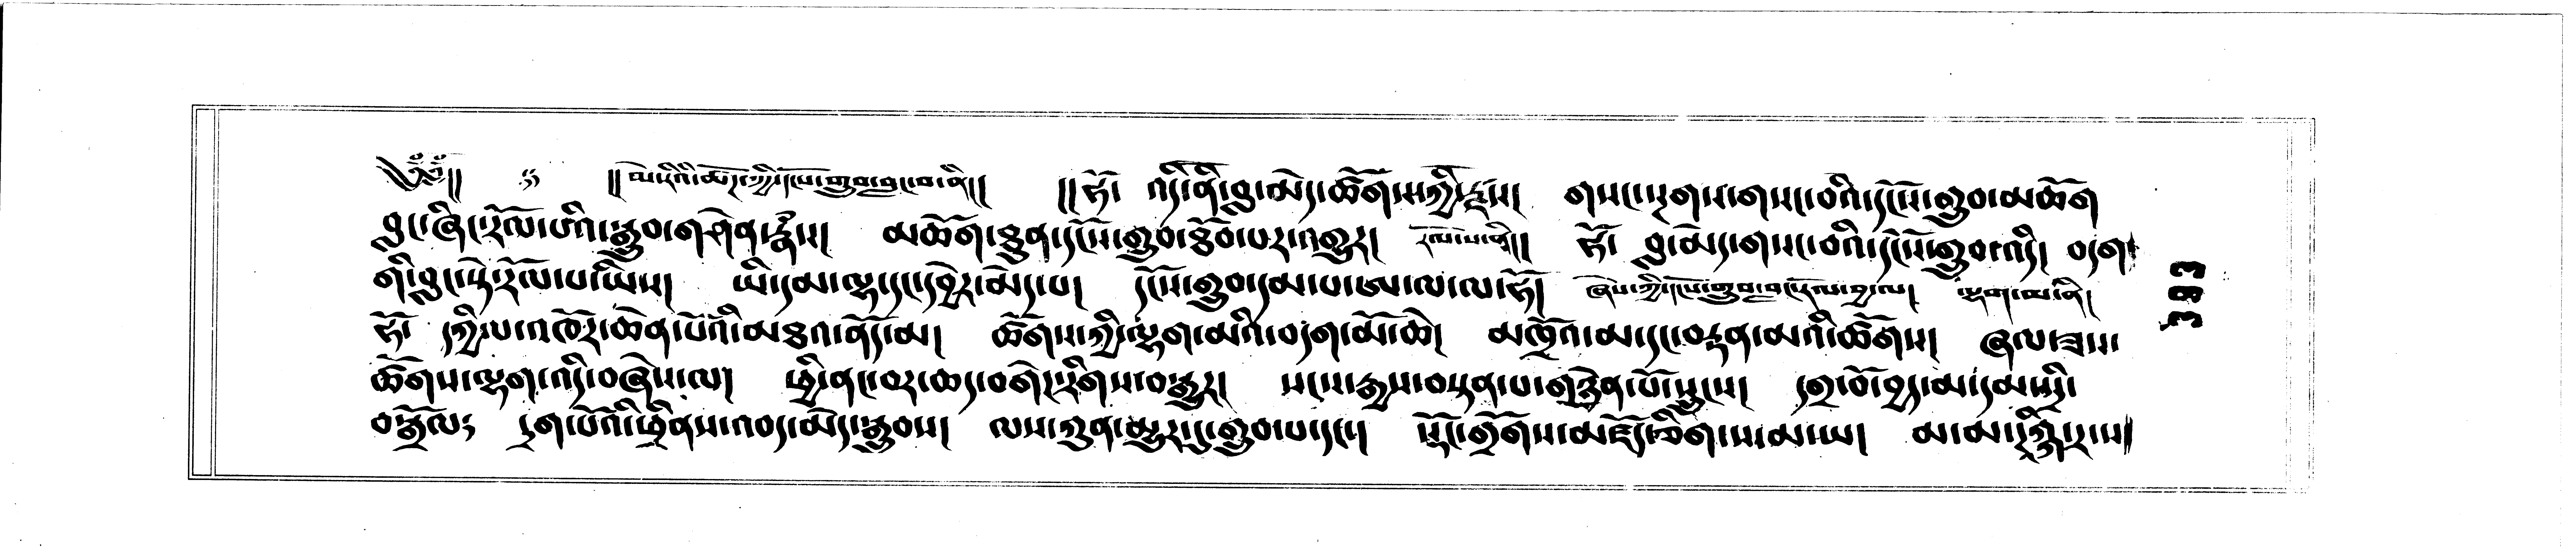།།མེ་རིའི་ཚོགས་ཀྱི་དངོས་གྲུབ་བླང་བ་ནི།། །།ཧོ་འདི་ནི་བླ་མེད་ཚོགས་ཀྱི་རྫས། གསང་སྔགས་གསང་བའི་དངོས་གྲུབ་མཆོག 
བླང་ཞིང་རོལ་པའི་སྒྲུབ་གཤེན་རྣམས། མཆོག་ཐུན་དངོས་གྲུབ་ཐོབ་པར་འགྱུར། རོལ་པ་ནི། །ཧོ་བླ་མེད་གསང་བའི་དངོས་གྲུབ་འདི། བདག་
གིས་བླང་སྟེ་རོལ་པ་ཡིས། ཡི་དམ་ལྷ་དང་དབྱེར་མེད་པ། དངོས་གྲུབ་དམ་པ་ཨ་ལ་ལ་ཧོ། ཞེས་ཀྱི་དངོས་གྲུབ་བླང་རོལ་བྱ་ལ། ལྷག་མ་ནི།
 ཧོ་དཀྱིལ་འཁོར་ཆེན་པོའི་མཐའ་ནོད་མ། ཚོགས་ཀྱི་ལྷག་མའི་བདག་མོ་ཆེ། མཁའ་འགྲོ་མ་དང་བརྟན་མའི་ཚོགས།ཞལ་ཟས་
ཚོགས་ལྷག་འདི་བཞེས་ལ། ཕྱི་ནང་བར་ཆད་བགེགས་རིགས་བསྒྱུར། སངས་རྒྱས་བསྟན་པ་གཉེན་པོ་སྲུངས། དགྲ་བོ་བྱད་མ་དམ་སྲི་
བསྒྲོལ། དྲག་པོའི་ཕྲིན་ལས་འབད་མེད་སྒྲུབས། ལས་ཀུན་མྱུར་དུ་གྲུབ་པ་དང་། སྡོང་གྲོགས་མཛོད་ཅིག་ས་མ་ཡ། མ་མ་ཌཱཀྐི་ར་ས་